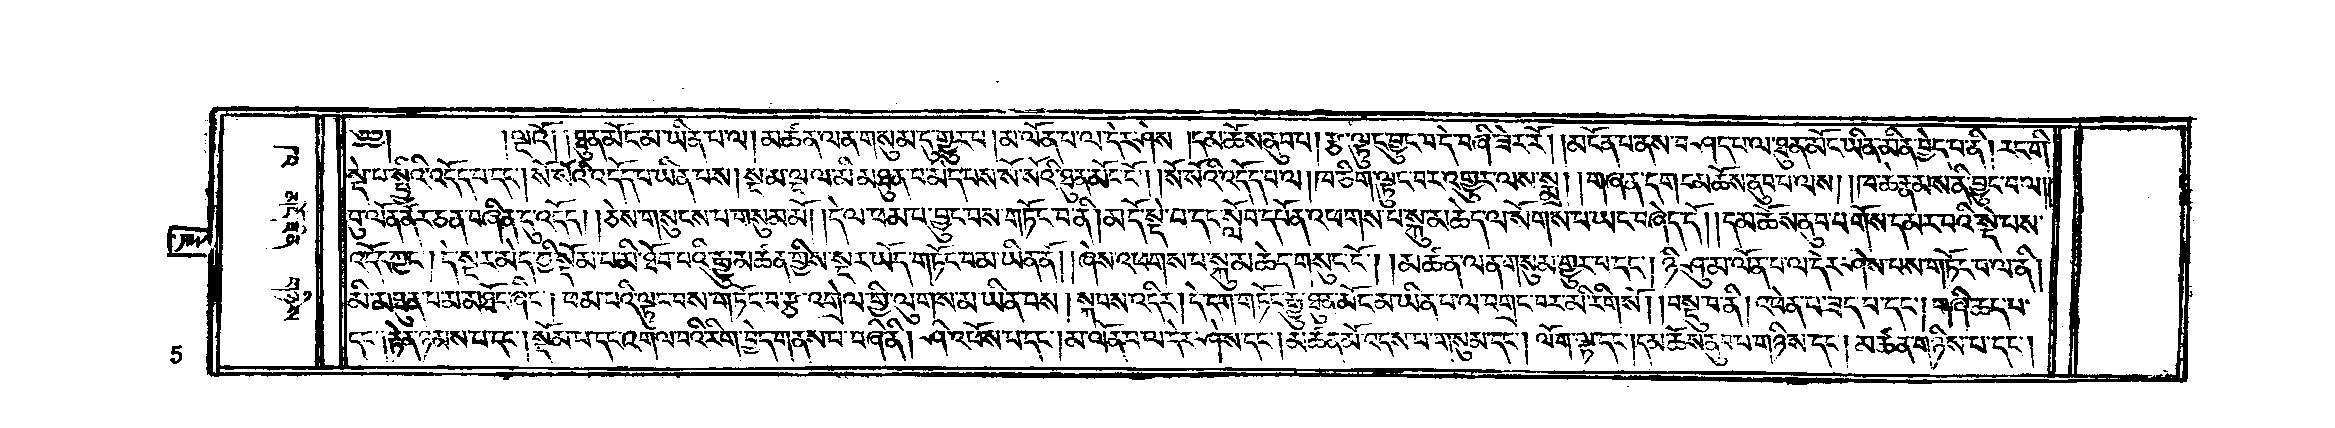༄༅། །ལྔའོ། །ཐུན་མོང་མ་ཡིན་པ་ལ། མཚན་ལན་གསུམ་དུ་གྱུར་པ། མ་ལོན་པ་ལ་དེར་ཤེས་།དམ་ཆོས་ནུབ་པ། རྩ་ལྟུང་བྱུང་བ་དེ་བཞི་ཟེར་རོ། །མངོན་པ་ནས་བཤད་པ་ལ་ཐུན་མོང་ཡིན་མིན་བྱེད་པ་ནི། རང་གི་
སྡེ་པ་སྤྱིའི་འདོད་པ་དང་། སོ་སོའི་འདོད་པ་ཡིན་པས། སྔ་མ་ལྔ་ལ་མི་མཐུན་པ་མེད་པས་སོ་སོའི་ཐུན་མོང་ངོ། །སོ་སོའི་འདོད་པ་ལ། ཁ་ཅིག་ལྟུང་བར་འགྱུར་ལས་སྨྲ། །གཞན་དག་དམ་ཆོས་ནུབ་པ་ལས། །ཁ་ཆེ་རྣམས་ནི་བྱུང་བ་ལ།།
བུ་ལོན་ནོར་ཅན་བཞིན་དུ་འདོད། །ཅེས་གསུངས་པ་གསུམ་མོ། །དེ་ལ་ཕམ་པ་བྱུང་བས་གཏོང་བ་ནི། མདོ་སྡེ་པ་དང་སློབ་དཔོན་འཕགས་པ་སྐུ་མཆེད་ལ་སོགས་པ་ཡང་བཞེད་དོ། །དམ་ཆོས་ནུབ་པ་གོས་དམར་བའི་སྡེ་པས་
འདོད་ཀྱང་། དེ་སྔར་མེད་ཀྱི་སྡོམ་པ་མི་ཐོབ་པའི་རྒྱུ་མཚན་གྱིས་སྔར་ཡོད་གཏོང་བ་མ་ཡིན་ནོ། །ཞེས་འཕགས་པ་སྐུ་མཆེད་གསུང་ངོ། །མཚན་ལན་གསུམ་གྱུར་པ་དང་། ཉི་ཤུ་མ་ལོན་པ་ལ་དེར་ཤེས་པས་གཏོང་བ་ལ་ནི།
མི་མཐུན་པ་མ་མཐོང་ཞིང་། ཕམ་པའི་ལྟུང་བས་གཏོང་བ་རྩ་འགྲེལ་གྱི་ལུགས་མ་ཡིན་པས། སྐབས་འདིར། དེ་དག་གཏོང་རྒྱུ་ཐུན་མོང་མ་ཡིན་པ་ལ་བགྲང་བར་མི་རིགས་སོ། །བསྡུ་བ་ནི། འཕེན་པ་ཟད་པ་དང་། གཞི་ཆད་པ་
དང་། རྟེན་ཉམས་པ་དང་། སྡོམ་པ་དང་འགལ་བའི་རིག་བྱེད་གནས་པ་བཞི་ནི། ཤི་འཕོས་པ་དང་། མ་ལོན་པ་ལ་དེར་ཤེས་དང་། མཚན་མོ་འདས་པ་གསུམ་དང་། ལོག་ལྟ་དང་། དམ་ཆོས་ནུབ་པ་གཉིས་དང་། མཚན་གཉིས་པ་དང་།